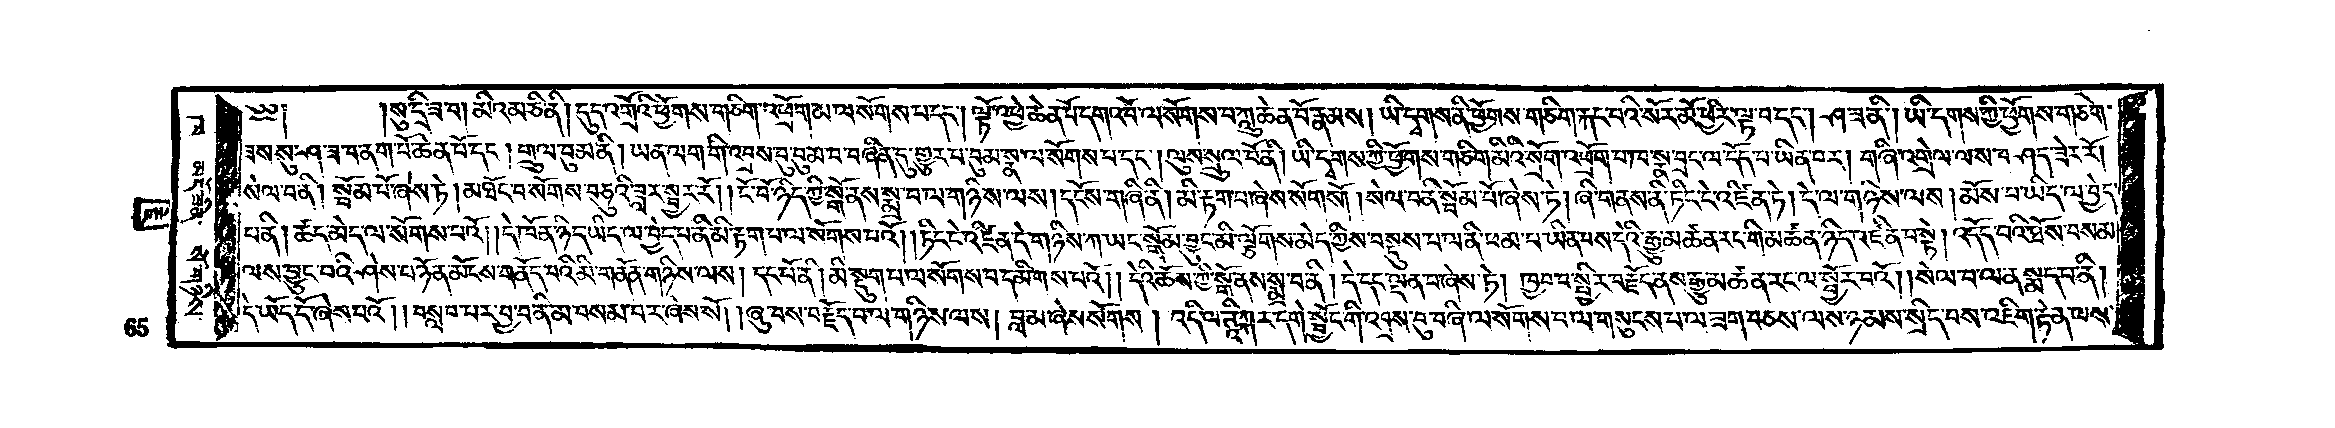༄༅། །སུ་དྲི་ཟ་བ། མིའམ་ཅི་ནི། དུད་འགྲོའི་ཕྱོགས་གཅིག་འཕྲོག་མ་ལ་སོགས་པ་དང་། ལྟོ་འཕྱེ་ཆེན་པོ་དགའ་བོ་ལ་སོགས་པ་ཀླུ་ཆེན་པོ་རྣམས། ཡི་དྭགས་ནི་ཕྱོགས་གཅིག་རྐང་པའི་སོར་མོ་ཕྱིར་ལྟ་བ་དང་། ཤ་ཟ་ནི། ཡི་དྭགས་ཀྱི་ཕྱོགས་གཅིག་
ཟས་སུ་ཤ་ཟ་བ་ནག་པོ་ཆེན་པོ་དང་། གྲུལ་བུམ་ནི། ཡན་ལག་གི་འབྲས་བུ་བུམ་པ་བཞིན་དུ་གྱུར་པ་བུམ་སྣ་ལ་སོགས་པ་དང་། ལུས་སྲུལ་པོ་ནི། ཡི་དྭགས་ཀྱི་ཕྱོགས་གཅིག་མིའི་སྲོག་འཕྲོག་པ་ཁ་སྣ་བྲང་ལ་དོད་པ་ཡིན་པར། གཞི་འགྲེལ་ལས་བཤད་ཟེར་རོ།།
སེལ་བ་ནི། སྦོམ་པོ་ཞེས་ཏེ། མཐོང་བ་སོགས་བཅུའི་ཟླར་སྦྱར་རོ། །ངོ་བོ་ཉིད་ཀྱི་སྒོ་ནས་སྨྲ་བ་ལ་གཉིས་ལས། དངོས་གཞི་ནི། མི་རྟག་པ་ཞེས་སོགས་སོ། །སེལ་བ་ནི་སྦོམ་པོ་ཞེས་ཏེ། ཞི་གནས་ནི་ཏིང་ངེ་འཛིན་ཏེ། དེ་ལ་གཉིས་ལས། མོས་པ་ཡིད་ལ་བྱེད་
པ་ནི། ཚད་མེད་ལ་སོགས་པའོ། །དེ་ཁོ་ན་ཉིད་ཡིད་ལ་བྱེད་པ་ནི་མི་རྟག་པ་ལ་སོགས་པའོ། །ཏིང་ངེ་འཛིན་དེ་གཉིས་ཀ་ཡང་སྒོམ་བྱུང་མི་ལྕོགས་མེད་ཀྱིས་བསྡུས་པ་ལ་ནི་ཕམ་པ་ཡིན་པས་དེའི་རྒྱུ་མཚན་རང་གི་མཚན་ཉིད་འཛིན་པ་སྟེ། འདོད་པའི་ཐོས་བསམ་
ལས་བྱུང་བའི་ཤེས་པ་ཉོན་མོངས་གནོད་པའི་མི་གནོན་གཉིས་ལས། དང་པོ་ནི། མི་སྡུག་པ་ལ་སོགས་པ་དམིགས་པའོ། །དེའི་ཆོས་ཀྱི་སྒོ་ནས་སྨྲ་བ་ནི། དེ་དང་ལྡན་པ་ཞེས་ཏེ། ཁྱབ་པ་སྤྱིར་བརྗོད་ནས་རྒྱུ་མཚན་རང་ལ་སྦྱོར་བའོ། །སེལ་བ་ལ་ན་སྨད་པ་ནི།
དེ་ཡོད་དོ་ཞེས་པའོ། །བསླབ་པར་བྱ་བ་ནི་མ་བསམ་པར་ཞེས་སོ། །ཞུ་བས་བརྗོད་པ་ལ་གཉིས་ལས། བླ་མ་ཞེས་སོགས། འདི་ལ་ཊཱིཀྐར་དགེ་སྦྱོང་གི་འབྲས་བུ་བཞི་ལ་སོགས་པ་ལ་གསུངས་པ་ལ་ཟག་བཅས་ལས་ཉམས་སྲིད་པས་འཇིག་རྟེན་ལས་